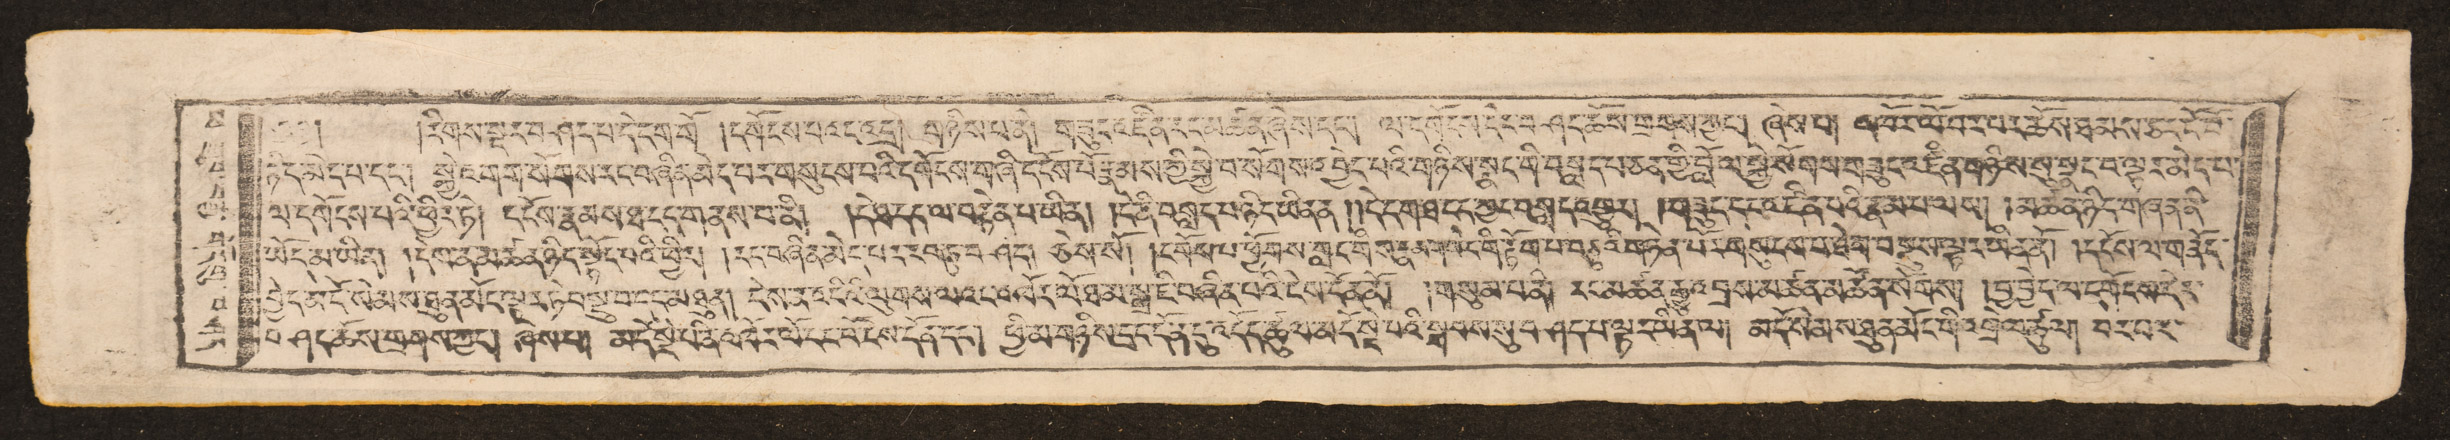༄༅། །རིགས་སྔར་བཤད་པ་དེ་དག་གོ །དགོངས་པའང་འདྲ། གཉིས་པ་ནི། གཟུང་འཛིན་རང་མཚན་ཞེས་དང་། ལ་དགོངས་དེར་བཤད་ཆོས་གྲགས་ཀྱང་། ཞེས་པ། འཁོར་ལོ་བར་བར་ཆོས་ཐམས་ཅད་ངོ་བོ་
ཉིད་མེད་པ་དང་། སྐྱེ་འགག་སོགས་རང་བཞིན་མེད་པར་གསུངས་པའི་དགོངས་གཞི་དངོས་པོ་རྣམས་ཀྱི་སྐྱེ་བ་སོགས་འབྱེད་པའི་གཉིས་སྣང་གི་བསླད་པ་ཅན་གྱི་བློ་ལ་སྐྱེ་སོགས་གཟུང་འཛིན་གཉིས་སུ་སྣང་བ་ལྟར་མེད་པ་
ལ་དགོངས་པའི་ཕྱིར་ཏེ། དངོས་རྣམས་ཐ་དད་གནས་པ་ནི། །དེ་ཐ་དད་ལ་བརྟེན་པ་ཡིན། །དེ་ནི་བསླད་པ་ཉིད་ཡིན་ན། །དེ་དག་ཐ་དང་ཀྱང་བསླད་འགྱུར། །གཟུད་དང་འཛིན་པའི་རྣམ་པ་ལས། །མཚན་ཉིད་གཞན་ནི་
ཡོད་མ་ཡིན། །དེས་ན་མཚན་ཉིད་སྟོད་པའི་ཕྱིར། །རང་བཞིན་མེད་པར་རབ་ཏུ་བཤད། ཅེས་སོ། །དགོས་པ་ཕྱོགས་གླང་གིས་རྣམ་གཡེང་གི་རྟོག་པ་བཅུའི་གཉེན་པོར་གསུངས་པ་ཐེག་བསྡུས་ལྟར་ཡིན་ནོ། །དངོས་ལ་གནོད་
བྱེད་མ་ངོ་སེམས་ཐུན་མོང་ལྟར་ཏེ་བསྡུ་བ་དང་མཐུན། དེས་ན་འདིའི་ལུགས་ལའང་འཁོར་ལོ་ཐམ་སྒྲ་ཇི་བཞིན་པའི་ངེས་དོན་ནོ། །གསུམ་པ་ནི། རང་མཚན་རྒྱུ་འབྲས་མཚན་མཚོན་སོགས། །བྱ་བྱེད་ལ་དགོངས་དེར་
བཤད་ཆོས་གྲགས་ཀྱང་། ཞེས་པ། མདོ་སྡེ་པ་ནི་འཁོར་ལོ་དང་པོ་ངེས་དོན་དང་། ཕྱི་མ་གཉིས་དྲང་དོན་དུ་འདོད་ཚུལ་མདོ་སྡེ་པའི་སྐབས་སུ་བཤད་པ་ལྟར་ཡིན་ལ། མདོ་སེམས་ཐུན་མོང་གི་འགྲེལ་ཚུལ། བར་བར་